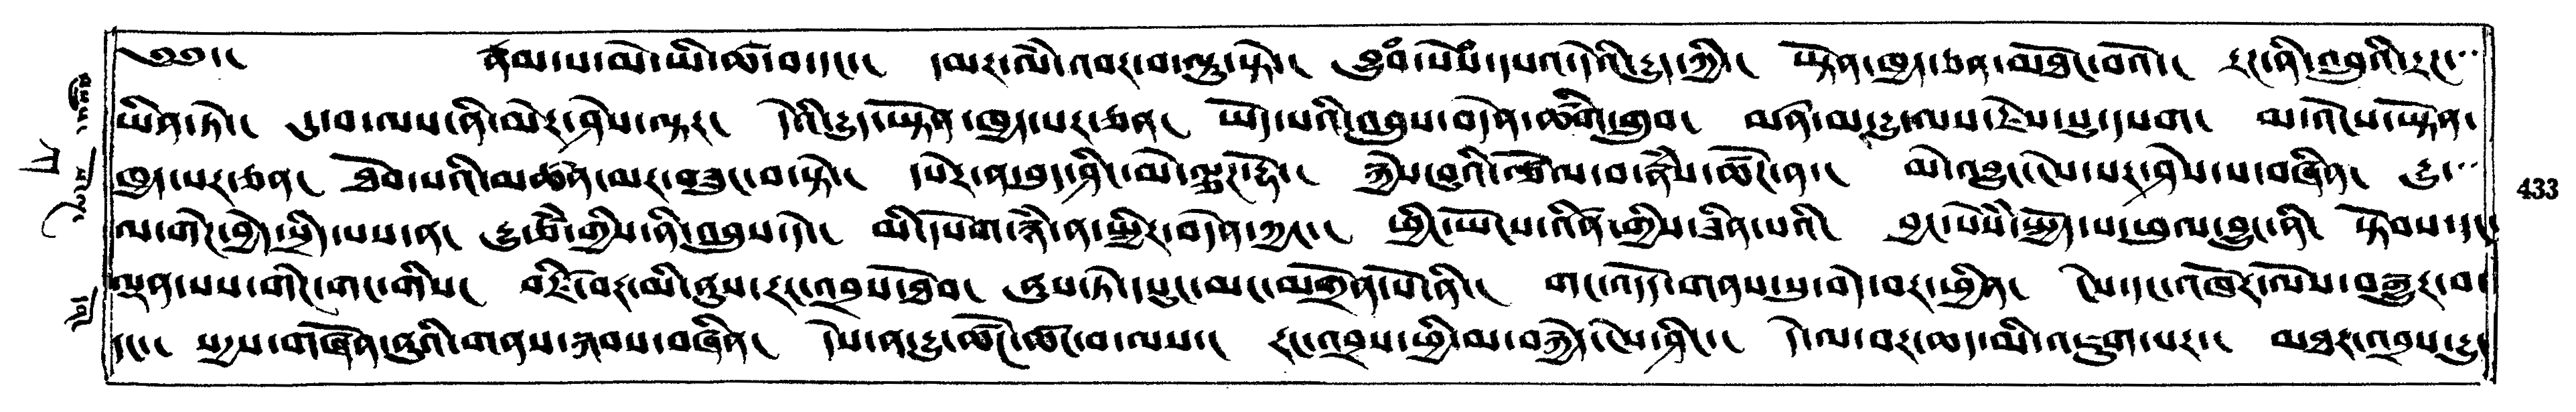རྣམ་པ་མེ་ཡི་ཚ་བ་དང་། །དམར་ལམ་འབར་བ་ལྟ་བུ་སྟེ། །བྱང་ཆུབ་སེམས་དཔའ་དེའི་རྒྱུད་ཀྱི། །ཡོན་ཏན་ཁྱད་ཅན་མཐོང་བའོ། །རྟགས་ནི་འབྲས་བུའི་རྟགས་
ཡིན་ཏེ། །དུ་བ་ལས་ནི་མེར་ཤེས་ལྟར། །དེའི་རྒྱུད་ཡོན་ཏན་ཁྱད་པར་ཅན། །ཡོད་པའི་འབྲས་བུ་བདེན་ཚིག་གྲུབ། །མཚན་མ་རྒྱུ་ལས་རྗེས་སུ་དཔག །མ་འོངས་ཡོན་ཏན་
ཁྱད་པར་ཅན། །ཐོབ་པའི་མཚན་མར་བཟུང་བ་སྟེ། །དཔེར་ན་བུད་ཤིང་མེ་ལྕགས་རྡོ། །སྐྱེས་བུའི་རྩོལ་བ་རྣམས་ཚོགས་ན། །མེ་འབྱུང་ངེས་པར་ཤེས་པ་བཞིན། །རྒྱུ་
ལ་གེགས་བྱེད་སྲིད་པས་ན། །རྒྱུ་ཙམ་གྱིས་ནི་འབྲས་བུ་དེ། །མི་དཔོགས་སྙམ་ན་སྤྱིར་བདེན་ཡང་། །ཕྱི་ནང་ཡོངས་འཛིན་གྱིས་ཟིན་པའི། །བྱང་སེམས་སྤྱོད་པ་ཕུལ་བྱུང་ནི། །སྟོབས་དང་
ལྡན་པས་གེགས་གང་གིས། །བརྫི་བར་མི་ནུས་རང་འབྲས་འཐོབ། །ནུས་ཏེ་དཔུང་མང་མགྲོན་པོ་ནི། །གང་འདོད་གནས་སུ་བདེ་བར་ཕྱིན། །ངེས་དང་འཁོར་ལོས་བསྒྱུར་བ་
དང་། །སངས་རྒྱས་གཞོན་ནུའི་གནས་སྐབས་བཞིན། །དེས་ན་རྒྱུ་ཚོགས་ཚང་བ་ལས། །རང་འབྲས་ཕྱི་མ་བསྐྱེད་ངེས་ཤིང་། །དེ་ལ་བར་ཆད་མི་འཇུག་པར། །མཐར་འབྲས་རྒྱུ་